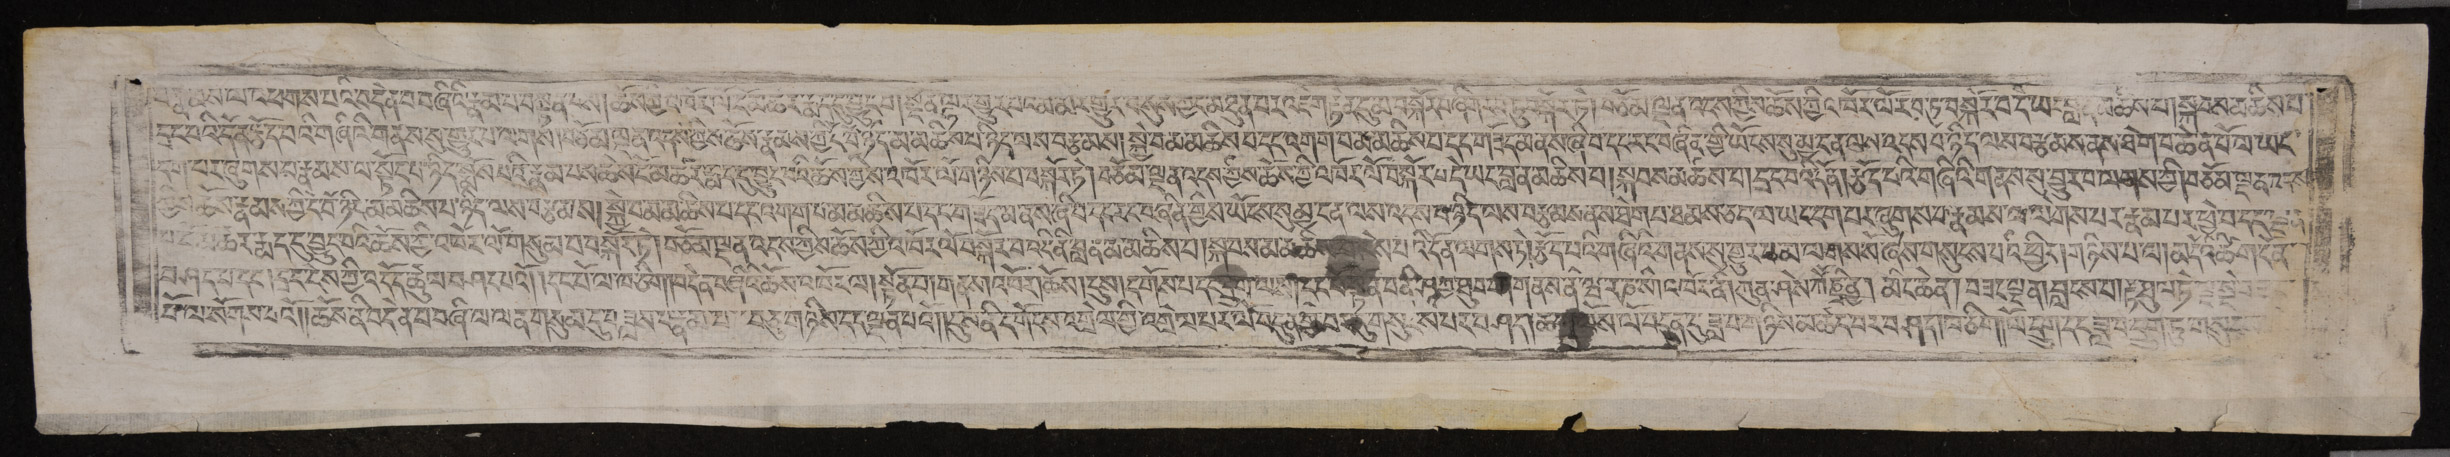པ་རྣམས་ལ་འཕགས་པའི་བདེན་པ་བཞིའི་རྣམ་པ་བསྟན་པས། ཆོས་ཀྱི་འཁོར་ལོ་ངོ་མཚར་རྨད་དུ་བྱུང་བ། སྔོན་ལྷར་གྱུར་པའམ་མིར་གྱུར་བ་སུས་ཀྱང་མཐུན་པར་འཇིག་རྟེན་དུ་མ་བསྐོར་བ་ཞིག་རབ་ཏུ་བསྐོར་བ་ཞིག་རབ་ཏུ་བསྐོར་ཏེ། བཅོམ་ལྡན་འདས་ཀྱིས་ཆོས་ཀྱི་འཁོར་ལོ་རབ་ཏུ་བསྐོར་བ་དེ་ཡང་བླ་ན་མཆིས་པ། སྐབས་མ་ཆིས་པ།
དྲང་བའི་དོན་རྩོད་པའི་གཞིའི་གནས་སུ་གྱུར་པ་ལགས། བཅོམ་ལྡན་འདས་ཀྱིས་ཆོས་རྣམས་ཀྱི་ངོ་བོ་ཉིད་མ་མཆིས་པ་ཉིད་ལས་བརྩམས། སྐྱེ་བ་མ་མཆིས་པ་དང་འགག་པ་མ་མཆིས་པ་དང་གཟོད་མ་ནས་ཞི་བ་དང་རང་བཞིན་གྱི་ཡོངས་སུ་མྱ་ངན་ལས་འདས་པ་ཉིད་ལས་བརྩམས་ནས་ཐེག་པ་ཆེན་པོ་ལ་ཡང་
དག་པར་ཞུགས་པ་རྣམས་ལ་སྟོང་པ་ཉིད་སྨོས་པའི་རྣམ་པས་ཆེས་ངོ་མཚར་རྨད་དུ་བྱུང་བའི་ཆོས་ཀྱིས་འཁོར་ལོ་གཉིས་པ་བསྐོར་ཏེ། བཅོམ་ལྡན་འདས་ཀྱིས་ཆོས་ཀྱི་འཁོར་ལོ་བསྐོར་བ་དེ་ཡང་བླ་ན་མཆིས་པ། སྐབས་མཆིས་པ། དྲང་བའི་དོན། རྩོད་པའི་གཞིའི་གནས་སུ་གྱུར་པ་ལགས་ཀྱི། བཅོམ་ལྡན་འདས་
ཀྱིས་ཆོས་རྣམས་ཀྱི་ངོ་བོ་ཉིད་མ་མཆིས་པ་ཉིད་ལས་བརྩམས། སྐྱེ་བ་མ་མཆིས་པ་དང་འགག་པ་མ་མཆིས་པ་དང་གཟོད་མ་ནས་ཞི་བ་དང་རང་བཞིན་གྱིས་ཡོངས་སུ་མྱ་ངན་ལས་འདས་པ་ཉིད་ལས་བརྩམས་ནས་ཐེག་པ་ཐམས་ཅད་ལ་ཡང་དག་པར་ཞུགས་པ་རྣམས་ལ་ལེགས་པར་རྣམ་པར་ཕྱེ་བ་དང་ལྡན་
པ་ངོ་མཚར་རྨད་དུ་བྱུང་བའི་ཆོས་ཀྱི་འཁོར་ལོ་གསུམ་པ་བསྐོར་ཏེ། བཅོམ་ལྡན་འདས་ཀྱིས་ཆོས་ཀྱི་འཁོར་ལོ་བསྐོར་བ་འདི་ནི་བླ་ན་མ་མཆིས་པ། སྐབས་མ་མཆིས་པ། ངེས་པའི་དོན་ལགས་ཏེ། རྩོད་པའི་གཞིའི་གནས་སུ་གྱུར་པ་མ་ལགས་སོ་ཞེས་གསུངས་པའི་ཕྱིར། གཉིས་པ་ལ། མདོའི་ཚིག་དོན་
བཤད་པ་དང་། དྲང་ངེས་ཀྱི་འདོད་ཚུལ་བཤད་པའོ། །དང་པོ་ལ་ཁ་ཅིག །བདེན་བཞིའི་ཆོས་འཁོར་ལ། སྟོན་པ། གནས། འཁོར། ཆོས། དུས། དགོས་པ་དང་དྲུག་ལས། དང་པོ་སྟོན་པ་ནི་ཤཱཀྱ་ཐུབ་པ། གནས་ནི་ལྦ་ར་ཎ་སི། འཁོར་ནི། ཀུན་ཤེས་ཀཽཎྜི་ནྱ། མིང་ཆེན། བཟང་ལྡན། བླངས་པ། རྟ་ཐུལ་ཏེ་ལྔ་སྡེ་བཟང་
པོ་ལ་སོགས་པའོ། །ཆོས་ནི་བདེན་པ་བཞི་ལ་ལན་གསུམ་དུ་བཟླས་པ་རྣམ་པ་བཅུ་གཉིས་དང་ལྡན་པའོ། །དུས་ནི་དགོངས་འགྲེལ་གྱི་འགྲེལ་པར་ལོ་བདུན་གྱི་བར་དུ་གསུངས་པར་བཤད། ཆག་ལོས་ལོ་བདུན་དུ་ཟླ་བ་གཉིས་མ་ཚང་བར་བཤད། ཁ་ཅིག། ལོ་དྲུག་དང་ཟླ་བ་དྲུག་ཏུ་གསུངས། ཞེས་